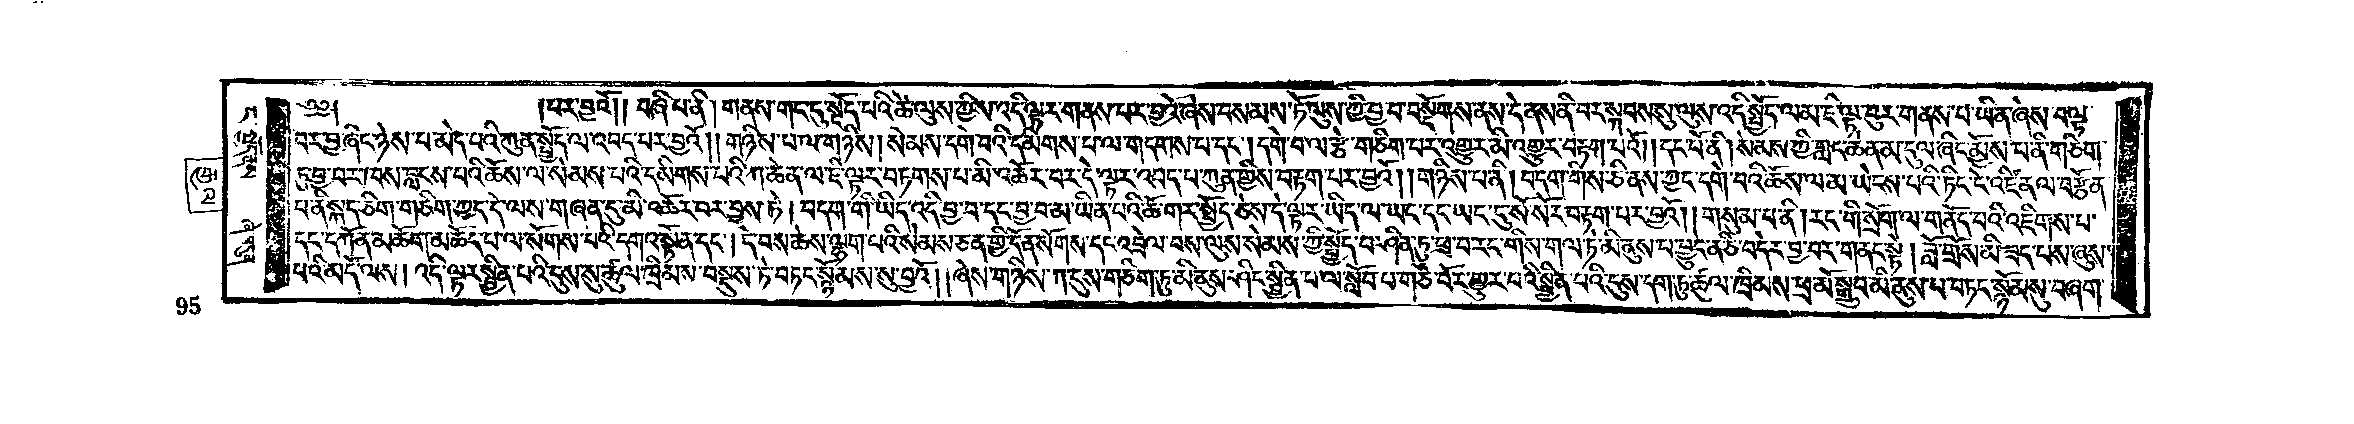༄༅། །པར་བྱའོ། །བཞིན་པ་ནི། གནས་གང་དུ་སྡོད་པའི་ཚེ་ལུས་ཀྱིས་འདི་ལྟར་གནས་པར་བྱའོ་ཞེས་བསམས་ཏོ་ལུས་ཀྱི་བྱ་བ་བསྡོགས་ནས་དེ་ནས་ནི་བར་སྐབས་སུ་ལུས་འདི་སྤྱོད་ལམ་ཇི་ལྟ་བུར་གནས་པ་ཡིན་ཞེས་བལྟ་
བར་བྱ་ཞིང་ཉེས་པ་མེད་པའི་ཀུན་སྤྱོད་ལ་འབད་པར་བྱའོ། །གཉིས་པ་ལ་གཉིས། སེམས་དགེ་བའི་དམིགས་པ་ལ་གདགས་པ་དང་། དགེ་བ་ལ་རྩེ་གཅིག་པར་འགྱུར་མི་འགྱུར་བརྟག་པའོ། །དང་པོ་ནི། སེམས་ཀྱི་གླང་ཆེན་མ་དུལ་ཞིང་མྱོས་པ་ནི་གཅིག་
ཏུ་བྱ་བར་ཁས་བླངས་པའི་ཆོས་ལ་སེམས་པའི་དམིགས་པའི་ཀ་ཆེན་ལ་ཇི་ལྟར་བཏགས་པ་མི་འཚོར་བར་དེ་ལྟར་འབད་པ་ཀུན་གྱིས་བརྟག་པར་བྱའོ། །གཉིས་པ་ནི། བདག་གིས་ཅི་ནས་ཀྱང་དགེ་བའི་ཆོས་ལ་མ་ཡེངས་པའི་ཏིང་ངེ་འཛིན་ལ་བརྩོན་
པ་ནི་སྐད་ཅིག་གཅིག་ཀྱང་དེ་ལས་གཞན་དུ་མི་འཚོར་བར་བྱས་ཏེ། བདག་གི་ཡིད་འདི་བྱ་བ་དང་བྱ་བ་མ་ཡིན་པའི་ཆོས་གར་སྤྱོད་ཅེས་དེ་ལྟར་ཡིད་ལ་ཡང་དང་ཡང་དུ་སོ་སོར་བརྟག་པ་བྱའོ། །གསུམ་པ་ནི། རང་གི་སྲོག་ལ་གནོད་པའི་འཇིགས་པ་
དང་དཀོན་མཆོག་མཆོད་པ་ལ་སོགས་པའི་དགའ་སྟོན་དང་། དེ་བས་ཆོས་ལྷག་པའི་སེམས་ཅན་གྱི་དོན་སོགས་དང་འབྲེལ་བས་ལུས་སེམས་ཀྱི་སྤྱོད་པ་ཤིན་ཏུ་ཕྲ་བ་རང་གིས་གལ་ཏེ་མི་ནུས་པ་བྱུང་ན་ཅི་བདེར་བྱ་བར་གནང་སྟེ། བློ་གྲོས་མི་ཟད་པས་ཞུས་
པའི་མདོ་ལས། འདི་ལྟར་སྦྱིན་པའི་དུས་སུ་ཚུལ་ཁྲིམས་བསྡུས་ཏེ་བཏང་སྙོམས་སུ་བྱའོ། །ཞེས་གཉིས་ཀ་དུས་གཅིག་ཏུ་མི་ནུས་ཤིང་སྦྱིན་པ་ལ་སློབ་པ་གཙོ་བོར་གྱུར་པའི་སྦྱིན་པའི་དུས་དག་ཏུ་ཚུལ་ཁྲིམས་ཕྲ་མོ་སྒྲུབ་མི་ནུས་པ་བཏང་སྙོམས་སུ་བཞག་